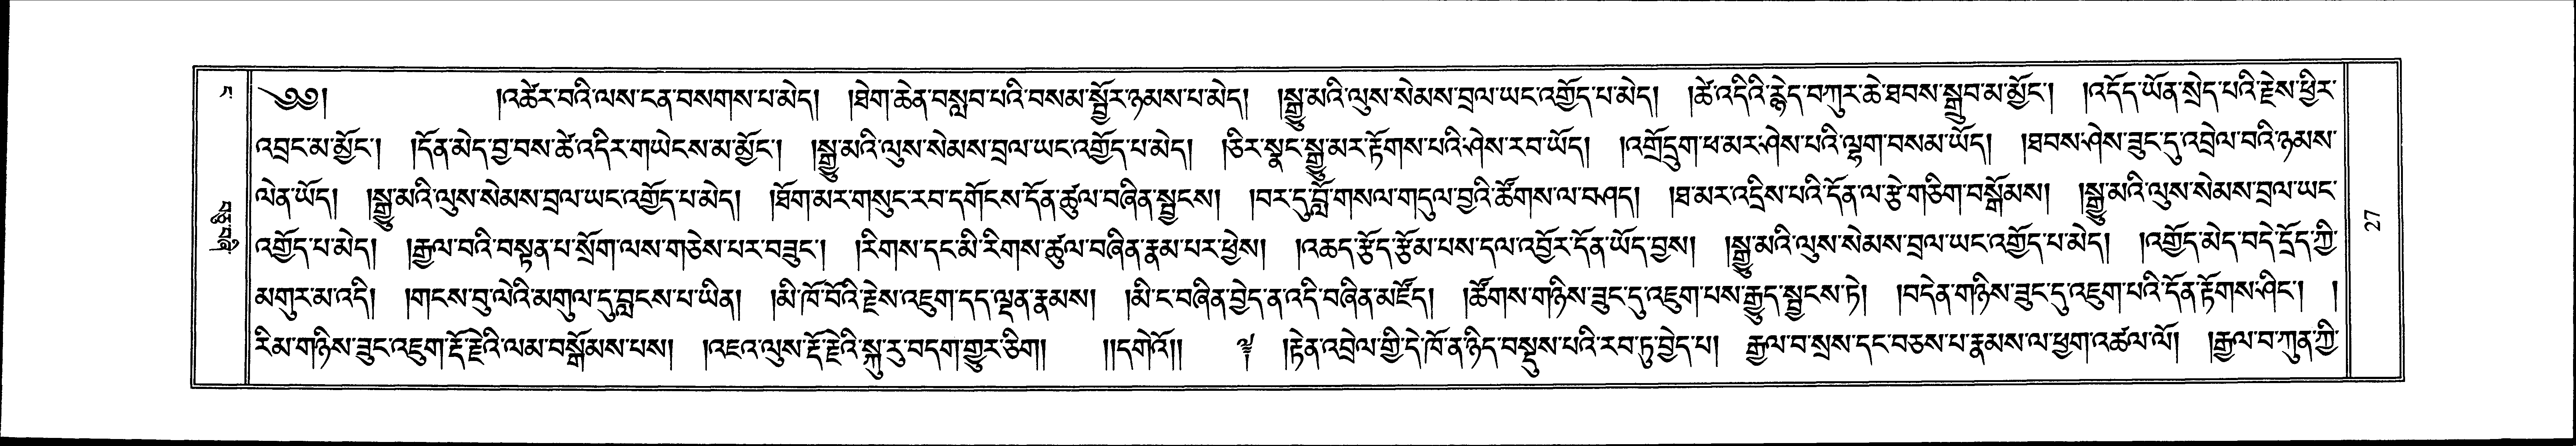༄༅། །འཚེར་བའི་ལས་ངན་བསགས་པ་མེད། །ཐེག་ཆེན་བསླབ་པའི་བསམ་སྦྱོར་ཉམས་པ་མེད། །སྒྱུ་མའི་ལུས་སེམས་བྲལ་ཡང་འགྱོད་པ་མེད། །ཚེ་འདིའི་རྙེད་བཀུར་ཆེ་ཐབས་སྒྲུབ་མ་མྱོང་། །འདོད་ཡོན་སྲེད་པའི་རྗེས་ཕྱིར་
འབྲང་མ་མྱོང་། །དོན་མེད་བྱ་བས་ཚེ་འདིར་གཡེངས་མ་མྱོང་། །སྒྱུ་མའི་ལུས་སེམས་བྲལ་ཡང་འགྱོད་པ་མེད། །ཅིར་སྣང་སྒྱུ་མར་རྟོགས་པའི་ཤེས་རབ་ཡོད། །འགྲོ་དྲུག་ཕ་མར་ཤེས་པའི་ལྷག་བསམ་ཡོད། །ཐབས་ཤེས་ཟུང་དུ་འབྲེལ་བའི་ཉམས་
ལེན་ཡོད། །སྒྱུ་མའི་ལུས་སེམས་བྲལ་ཡང་འགྱོད་པ་མེད། །ཐོག་མར་གསུང་རབ་དགོངས་དོན་ཚུལ་བཞིན་སྦྱངས། །བར་དུ་བློ་གསལ་གདུལ་བྱའི་ཚོགས་ལ་བཤད། །ཐ་མར་འདྲིས་པའི་དོན་ལ་རྩེ་གཅིག་བསྒོམས། །སྒྱུ་མའི་ལུས་སེམས་བྲལ་ཡང་
འགྱོད་པ་མེད། །རྒྱལ་བའི་བསྟན་པ་སྲོག་ལས་གཅེས་པར་བཟུང་། །རིགས་དང་མི་རིགས་ཚུལ་བཞིན་རྣམ་པར་ཕྱེས། །འཆད་རྩོད་རྩོམ་པས་དལ་འབྱོར་དོན་ཡོད་བྱས། །སྒྱུ་མའི་ལུས་སེམས་བྲལ་ཡང་འགྱོད་པ་མེད། །འགྱོད་མེད་བདེ་དྲོད་ཀྱི་
མགུར་མ་འདི། །གངས་བུ་ལེའི་མགུལ་དུ་བླངས་པ་ཡིན། །མི་ཁོ་བོའི་རྗེས་འཇུག་དད་ལྡན་རྣམས། །མི་ང་བཞིན་བྱེད་ན་འདི་བཞིན་མཛོད། །ཚོགས་གཉིས་ཟུང་དུ་འཇུག་པས་རྒྱུད་སྦྱངས་ཏེ། །བདེན་གཉིས་ཟུང་དུ་འཇུག་པའི་དོན་རྟོགས་ཤིང་། །
རིམ་གཉིས་ཟུང་འཇུག་རྡོ་རྗེའི་ལམ་བསྒོམས་པས། །འཇའ་ལུས་རྡོ་རྗེའི་སྐུ་རུ་བདག་གྱུར་ཅིག། །།དགེའོ།། ༈ །རྟེན་འབྲེལ་གྱི་དེ་ཁོ་ན་ཉིད་བསྡུས་པའི་རབ་ཏུ་བྱེད་པ། རྒྱལ་བ་སྲས་དང་བཅས་པ་རྣམས་ལ་ཕྱག་འཚལ་ལོ། །རྒྱལ་བ་ཀུན་ཀྱི་